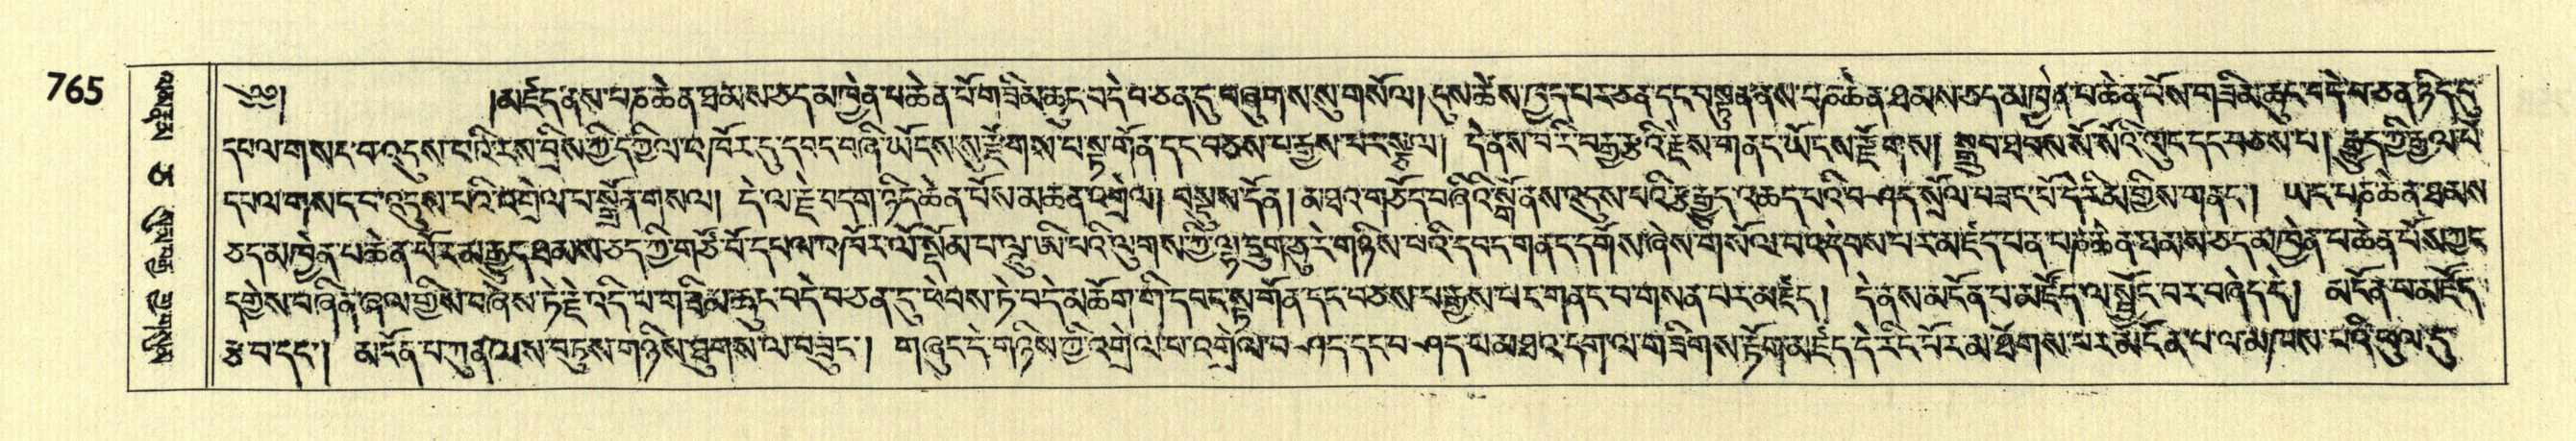༄༅། །མཛད་ནས་པཎ་ཆེན་ཐམས་ཅད་མཁྱེན་པ་ཆེན་པོ་གཟིམ་ཆུང་བདེ་བ་ཅན་དུ་བཞུགས་སུ་གསོལ། དུས་ཚེས་ཁྱད་པར་ཅན་དང་བསྟུན་ནས་པཎ་ཆེན་ཐམས་ཅད་མཁྱེན་པ་ཆེན་པོས་གཟིམ་ཆུང་བདེ་བ་ཅན་ཉིད་དུ་
དཔལ་གསང་བ་འདུས་པའི་རས་བྲིས་ཀྱི་དཀྱིལ་འཁོར་དུ་དབང་བཞི་ཡོངས་སུ་རྫོགས་པ་སྟ་གོན་དང་བཅས་པ་རྒྱས་པར་སྩལ། དེ་ནས་བ་རི་བརྒྱ་རྩའི་རྗེས་གནང་ཡོངས་རྫོགས། སྒྲུབ་ཐབས་སོ་སོའི་ལུང་དང་བཅས་པ། རྒྱུད་ཀྱི་རྒྱལ་པོ་
དཔལ་གསང་བ་འདུས་པའི་འགྲེལ་པ་སྒྲོན་གསལ། དེ་ལ་རྗེ་བདག་ཉིད་ཆེན་པོས་མཆན་འགྲེལ། བསྡུས་དོན། མཐའ་གཅོད་བཞིའི་སྒོ་ནས་འདུས་པའི་རྩ་རྒྱུད་འཆད་པའི་བཤད་སྲོལ་བཟང་པོ་དེ་རིམ་གྱིས་གནང་། ཡང་པཎ་ཆེན་ཐམས་
ཅད་མཁྱེན་པ་ཆེན་པོར་མ་རྒྱུད་ཐམས་ཅད་ཀྱི་གཙོ་པོ་དཔལ་འཁོར་ལོ་སྡོམ་པ་ལཱུ་ཨི་པའི་ལུགས་ཀྱི་ལྷ་དྲུག་ཅུ་རེ་གཉིས་པའི་དབང་གནད་དགོས་ཞེས་གསོལ་བ་འདེབས་པར་མཛད་པ་ན་པཎ་ཆེན་ཐམས་ཅད་མཁྱེན་པ་ཆེན་པོས་ཀྱང་
དགྱེས་བཞིན་ཞལ་གྱིས་བཞེས་ཏེ་རྗེ་འདི་པ་གཟིམ་ཆུང་བདེ་བ་ཅན་དུ་ཕེབས་ཏེ་བདེ་མཆོག་གི་དབང་སྟ་གོན་དང་བཅས་པ་རྒྱས་པར་གནང་བ་གསན་པར་མཛད། དེ་ནས་མངོན་པ་མཛོད་ལ་སྦྱོང་བར་བཞེད་དེ། མངོན་པ་མཛོད་
རྩ་བ་དང་། མངོན་པ་ཀུན་ལས་བཏུས་གཉིས་ཐུགས་ལ་བཟུང་། གཞུང་དེ་གཉིས་ཀྱི་འགྲེལ་བ་འགྲེལ་བཤད་དང་བཤད་པ་མཐའ་དག་ལ་གཟིགས་རྟོག་མཛད་དེ་རིང་པོར་མ་ཐོགས་པར་མངོན་པ་ལ་མཁས་པའི་ཕུལ་དུ་